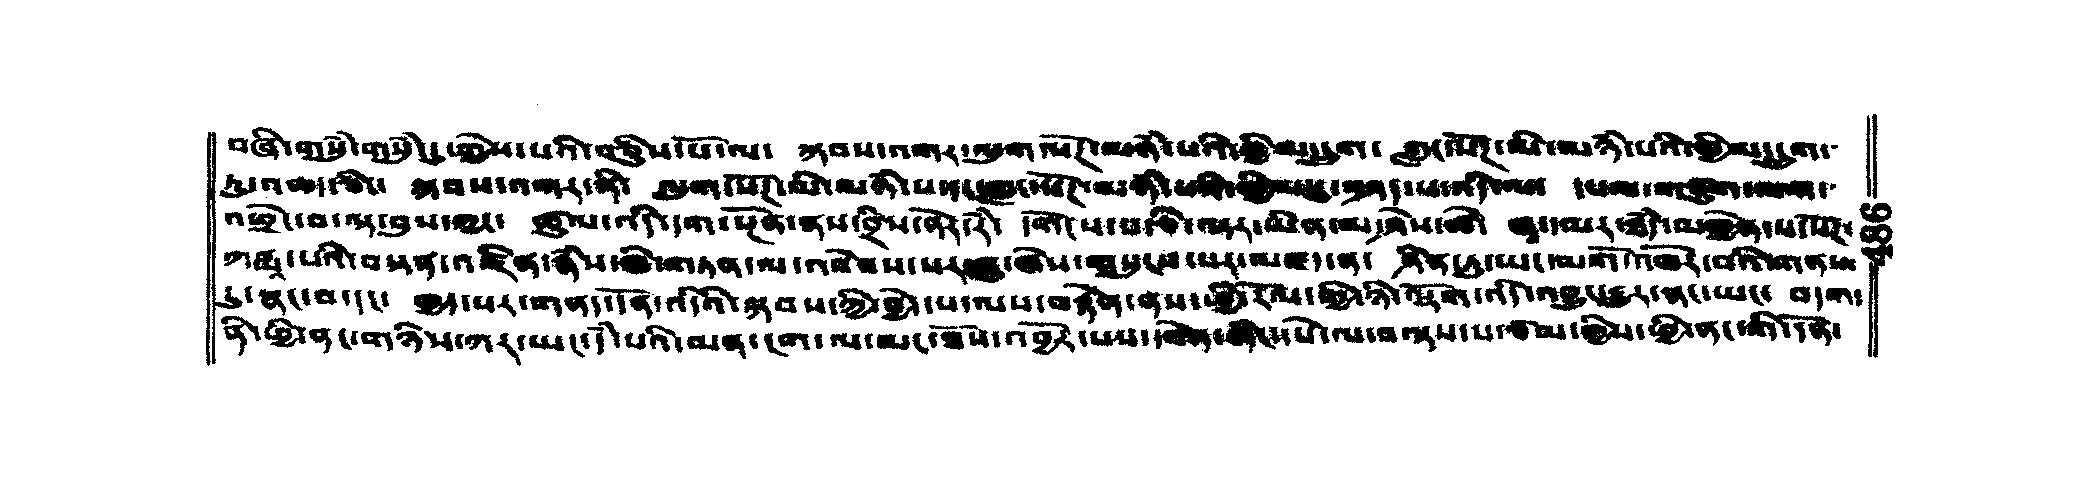བཞི་གསུམ་གསུམ་དུ་གྱེས་པའི་བཅུ་གཉིས་པོ་ལ། སྐབས་འགར་ལུག་སོགས་མཉམ་པའི་ཁྱིམ་དྲུག གླང་སོགས་མི་མཉམ་པའི་ཁྱིམ་དྲུག་
ཏུ་འཆད་ཅིང་། སྐབས་འགར་ནི། ལུག་སོགས་མི་མཉམ་པ་དང་གླང་སོགས་མཉམ་པའི་ཁྱིམ་དུ་བཤད་པ་འདི་ལ། དཔལ་གཙུག་ལག་
འཕྲེང་བ་ལྟ་བུས་ཀྱང་། ཚུལ་འདི་དག་སྔོན་ནས་བྲིས་ནོར་རམ། དགོངས་པ་ཅི་ལྟར་ཡིན་མ་ཤེས་ཚེ། ཞྭ་དམར་ཐམས་ཅད་མཁྱེན་པ་སོགས་
ཀརྨ་པའི་བསྟན་འཛིན་རྣམས་ཀྱི་གཏན་ལ་འབེབས་པར་ཞུ་ཞེས་གསུངས་པར་མཛད་ན། ཤིན་ཏུ་ཡང་མགོ་འཁོར་བའི་གནས་
དུ་སྣང་བ་དང་། ཁྱད་པར་གནད་དོན་འདིའི་སྐབས་ཀྱི་བྱེད་པ་ལས་བརྟེན་ནས་ཕྱི་རོལ་གྱི་ཉི་ལྡོག་འདི་འབྱུང་རྒྱུར་སྣང་ཡང་། བདག་
ནི་ཕྱི་ནང་གཉིས་ཀར་ཡང་དམ་པའི་མན་ངག་ལ་མང་ཐོས་འབྱོར་པས་དབེན་ཞིང་དཔེ་ལ་བལྟས་པ་ཙམ་གྱིས་ཕྱི་ནང་གི་དོན་